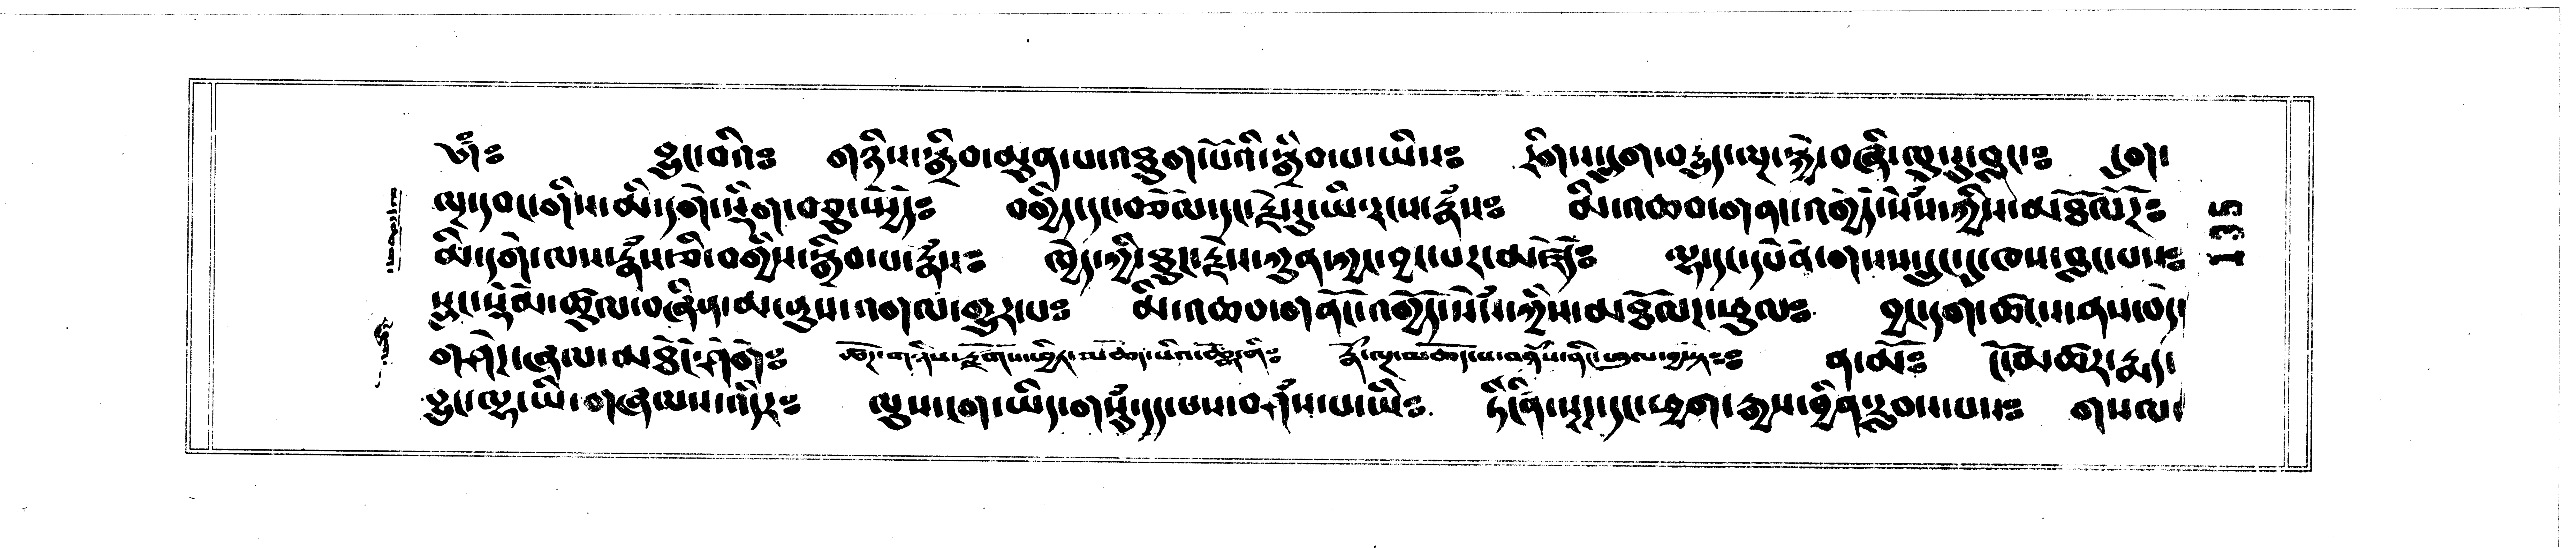བྱུང་བའིཿ གཉིས་སྒྲིབ་མུན་པ་མཐུག་པོས་བསྒྲིབས་པ་ཡིསཿ རིགས་དྲུག་རྒྱུད་ལྔ་སྐྱེ་བཞིའི་ལུས་སུ་བླངསཿ དུག་
ལྔ་དབང་གིས་མི་དགེ་སྡིག་བཅུ་སྤྱོདཿ བགྱིད་དང་བཅོལ་དང་རྗེས་སུ་ཡི་རང་རྣམསཿ མི་འཆབ་གནོང་འགྱོད་སེམས་ཀྱིས་མཐོལ་ལོ་བཤགསཿ 
མི་དགེ་ལས་རྣམས་ཅི་བགྱིས་སྒྲིབ་པ་རྣམསཿ ཁྱེད་ཀྱི་ཐུགས་རྗེས་ཀུན་ཀྱང་བྱང་བར་མཛོདཿ ལྷ་དང་དཔོན་གསས་དྲུང་དུ་ཁས་བླངས་པསཿ
 སྲུང་སྡོམ་ཚུལ་བཞིན་མ་ནུས་འགལ་གྱུར་པཿ མི་འཆབ་གནོང་འགྱོད་སེམས་ཀྱིས་མཐོལ་བཤགས་ཕུལཿ བྱང་དག་ཚངས་ནས་བདེར་
གཤེགས་ཞལ་མཐོང་ཤོགཿ ཚོགས་གཉིས་རྫོགས་ཕྱིར་མཆོད་པའི་ཆོ་ག་ནིཿ རྣམ་ལྔ་མཆོད་པ་བལྟམས་ཤིང་ཕུལ་བྱ་སྟེཿ ན་མོཿ ངོ་མཚར་རྨད་
བྱུང་ལྷ་ཡི་གཞལ་ཡས་འདིརཿ ལུས་ངག་ཡིད་གསུམ་དད་པས་བཤམས་པ་ཡིཿ ཏིང་འཛིན་སྔགས་དང་ཕྱག་རྒྱས་བྱིན་རླབས་པསཿ གསལ་